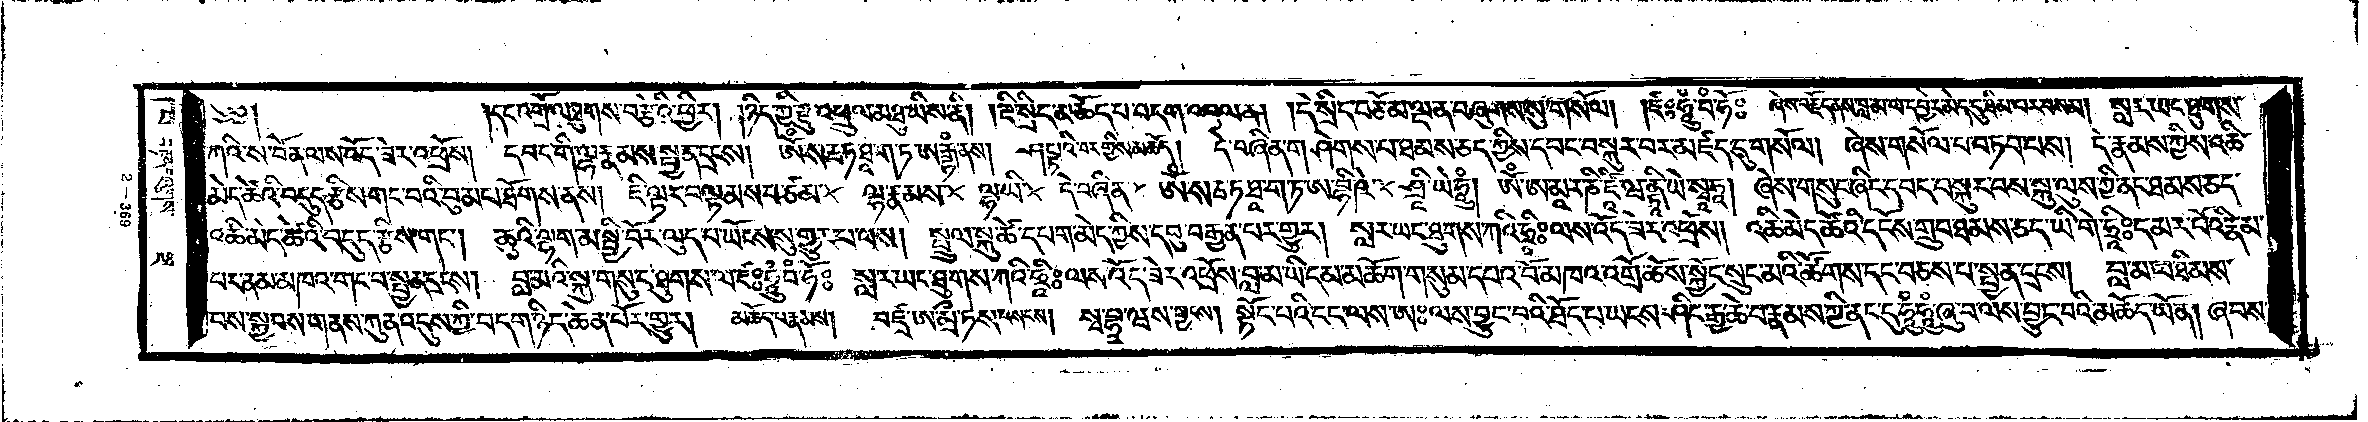༄༅། །དང་འགྲོལ་ཐུགས་བརྩེའི་ཕྱིར། །ཉིད་ཀྱི་རྫུ་འཕྲུལ་མཐུ་ཡིས་ནི། །ཇི་སྲིད་མཆོད་པ་བདག་འབུལ་ན། །དེ་སྲིད་བཅོམ་ལྡན་བཞུགས་སུ་གསོལ། །ཛཿཧཱུཾ་ཕོཾ་ཧོཿ ཞེས་བརྗོད་ནས་བླ་མ་ལ་དབྱེར་མེད་དུ་ཐིམ་པར་བསམ།  སླར་ཡང་ཐུགས་
ཀའི་ས་བོན་ལས་འོད་ཟེར་འཕྲོས། དབང་གི་ལྷ་རྣམས་སྤྱན་དྲངས། ཨོཾ་སརྦ་ཏ་ཐ་ག་ཏ་ཨརྒྷཾ་ནས། ཤཔྟའི་བར་གྱིས་མཆོད།  དེ་བཞིན་གཤེགས་པ་ཐམས་ཅད་ཀྱིས་དབང་བསྐུར་བར་མཛད་དུ་གསོལ། ཞེས་གསོལ་བ་བཏབ་པས། དེ་རྣམས་ཀྱིས་འཆི་
མེད་ཚེའི་བདུད་རྩིས་གང་བའི་བུམ་པ་ཐོགས་ནས། ཇི་ལྟར་བལྟམས་བ་ཙམ་྾་ལྷ་རྣམས་྾་ལྷ་ཡི་྾་དེ་བཞིན་྾་ཨོཾ་སརྦ་ཏ་ཐཱ་ག་ཏ་ཨ་བྷི་ཥེ་྾་ཤྲཱི་ཡེ་ཧཱུཾ། ཨོཾ་ཨ་མཱ་རཱ་ཎི་ཛཱི་ཝ་ནྟཱི་ཡེ་སྭཱཧཱ། ཞེས་གསུང་ཞིང་དབང་བསྐུར་བས་སྐུ་ལུས་ཀྱི་ནང་ཐམས་ཅད་
འཆི་མེད་ཚེའི་བདུད་རྩིས་གང་། ཆུའི་ལྷག་མ་སྤྱི་བོར་ལུད་པ་ཡོངས་སུ་གྱུར་པ་ལས། སྤྲུལ་སྐུ་ཚེ་དཔག་མེད་ཀྱིས་དབུ་བརྒྱན་པར་གྱུར། སླར་ཡང་ཐུགས་ཀའི་ཧྲཱིཿལས་འོད་ཟེར་འཕྲོས། འཆི་མེད་ཚོའི་དངོས་གྲུབ་ཐམས་ཅད་ཡི་གེ་ཧྲཱིཿདམར་པོའི་རྣམ་
པར་ནམ་མཁའ་གང་བ་སྤྱན་དྲངས། བླ་མའི་སྐུ་གསུང་ཐུགས་ལ་ཛཿཧཱུཾ་བཾ་ཧོཿསླར་ཡང་ཐུགས་ཀའི་ཧྲཱིཿལས་འོད་ཟེར་འཕྲོས་བླ་མ་ཡི་དམ་མཆོག་གསུམ་དཔའ་བོ་མཁའ་འགྲོ་ཆོས་སྐྱོང་སྲུང་མའི་ཚོགས་དང་བཅས་པ་སྤྱན་དྲངས། བླ་མ་ལ་ཐིམས་
པས་སྐྱབས་གནས་ཀུན་འདུས་ཀྱི་བདག་ཉིད་ཆེན་པོར་གྱུར། མཆོད་པ་རྣམས།  བཛྲ་ཨ་མྲྀ་ཏས་བསངས། སྭ་བྷཱ་ཝས་བྱངས། སྟོང་པའི་ངང་ལས་ཨཿལས་བྱུང་བའི་ཐོད་པ་ཡངས་ཤིང་རྒྱ་ཆེ་བ་རྣམས་ཀྱི་ནང་དུ་ཧཱུཾ་ཧཱུཾ་ཞུ་བ་ལས་བྱུང་བའི་མཆོད་ཡོན། ཞབས་